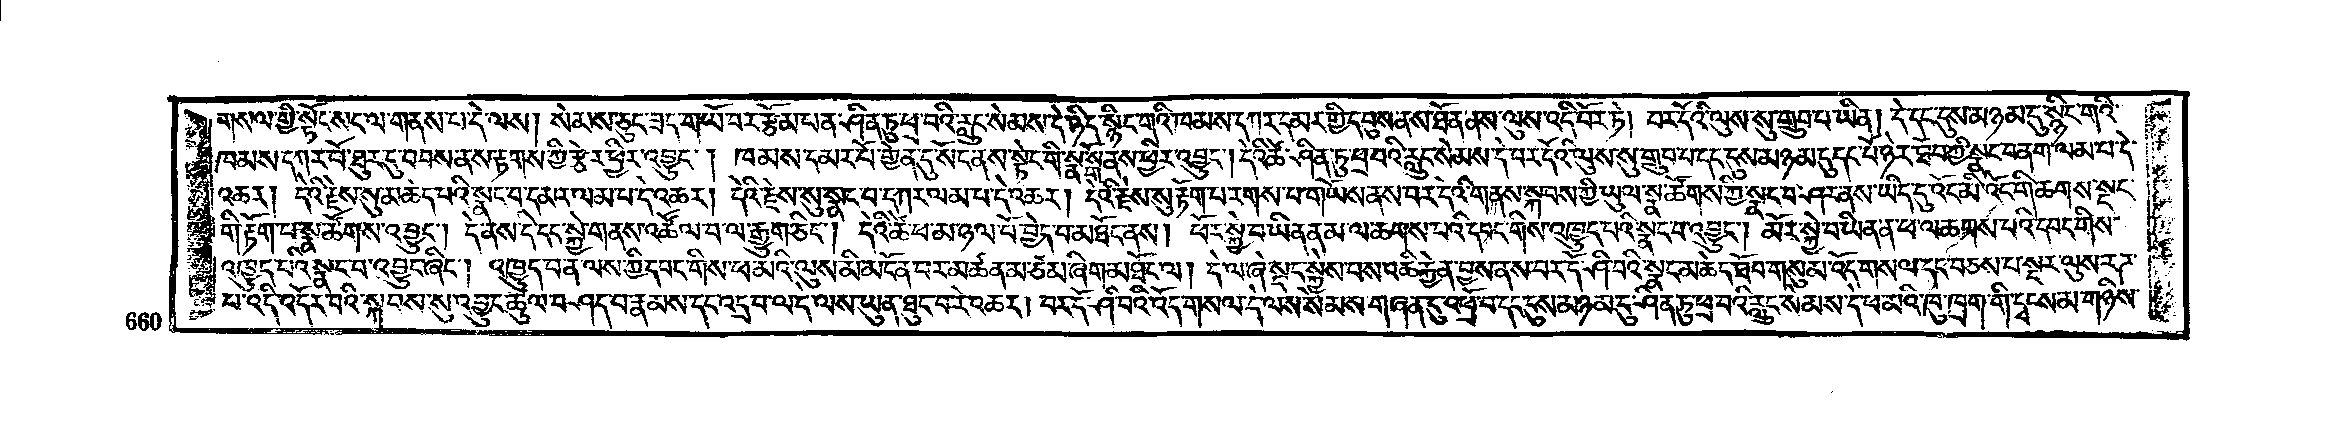གསལ་གྱི་སྟོང་སང་ལ་གནས་པ་དེ་ལས། སེམས་ཅུང་ཟད་གཡོ་བར་རྩོམ་པ་ན་ཤིན་ཏུ་ཕྲ་བའི་རླུང་སེམས་དེ་ཉིད་སྙིང་གའི་ཁམས་དཀར་དམར་གྱི་དབུས་ནས་ཐོན་ནས་ལུས་འདི་བོར་ཏེ། བར་དོའི་ལུས་སུ་གྲུབ་པ་ཡིན། དེ་དང་དུས་མཉམ་དུ་སྙིང་གའི་
ཁམས་དཀར་པོ་ཐུར་དུ་བབས་ནས་རྟགས་ཀྱི་རྩེར་ཕྱིར་འབྱུང་། ཁམས་དམར་པོ་གྱེན་དུ་སོང་ནས་སྟེང་གི་སྣ་སྒོ་ནས་ཕྱིར་འབྱུང་། དེའི་ཚེ་ཤིན་ཏུ་ཕྲ་བའི་རླུང་སེམས་དེ་བར་དེའི་ལུས་སུ་གྲུབ་པ་དང་དུས་མཉམ་དུ་དང་པོ་ཉེར་ཐོབ་ཀྱི་སྣང་བ་ནག་ལམ་པ་དེ་
འཆར། དེའི་རྗེས་སུ་མཆེད་པའི་སྣང་བ་དམར་ལམ་པ་དེ་འཆར། དེའི་རྗེས་སུ་སྣང་བ་དཀར་ལམ་པ་དེ་འཆར། དེའི་རྗེས་སུ་རྟོག་པ་རགས་པ་གཡོས་ནས་བར་དེའི་གནས་སྐབས་ཀྱི་ཡུལ་སྣ་ཚོགས་ཀྱི་སྣང་བ་ཤར་ནས་ཡིད་དུ་འོང་མི་འོང་གི་ཆགས་སྡང་
གི་རྟོག་པ་སྣ་ཚོགས་འབྱུང་། དེ་ནས་དྲི་དང་སྐྱེ་གནས་འཚེལ་བ་ལ་རྒྱུག་ཅིང་། དེའི་ཚེ་ཕ་མ་ཉལ་པོ་བྱེད་པ་མཐོང་ནས། ཕོར་སྐྱེ་བ་ཡིན་ན་མ་ལ་ཆགས་པའི་དབང་གིས་འཁྱུད་པའི་སྣང་བ་འབྱུང་། མོར་སྐྱེ་བ་ཡིན་ན་ཕ་ལ་ཆགས་པའི་དབང་གིས་
འཁྱུད་པའི་སྣང་བ་འབྱུང་ཞིང་། འཁྱུད་པ་ན་ལས་ཀྱི་དབང་གིས་ཕ་མའི་ལུས་མི་མངོན་པར་མཚན་མ་ཙམ་ཞིག་མཐོང་ལ། དེ་ལ་ཞེ་སྡང་སྐྱེས་པས་འཆི་རྐྱེན་བྱས་ནས་བར་དོ་ཤི་བའི་སྣང་མཆེད་ཐོབ་གསུམ་འོད་གསལ་དང་བཅས་པ་སྔར་ལུས་རགས་
པ་འདི་འདོར་བའི་སྐབས་སུ་འབྱུང་ཚུལ་བཤད་པ་རྣམས་དང་འདྲ་བ་ལ་དེ་ལས་ཡུན་ཐུང་བ་རེ་འཆར། བར་དོ་ཤི་བའི་འོད་གསལ་དེ་ལས་སེམས་གཞན་དུ་འཕྲོ་བ་དང་དུས་མཉམ་དུ་ཤིན་ཏུ་ཕྲ་བའི་རླུང་སེམས་དེ་ཕ་མའི་ཁུ་ཁྲག་གི་དྭངས་མ་གཉིས་